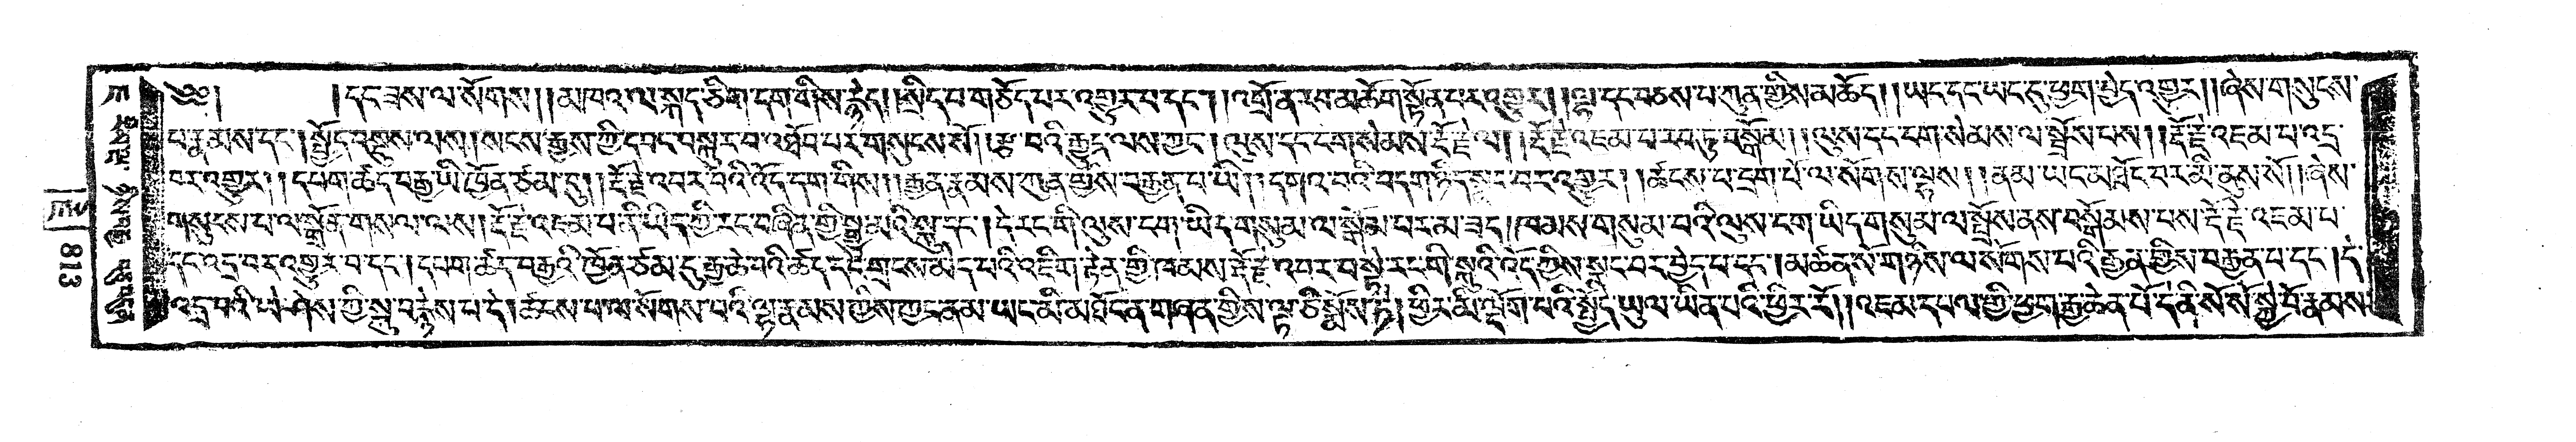༄༅། །དང་ཟས་ལ་སོགས། །མཁའ་ལ་སྐད་ཅིག་དག་གིས་རྙེད། །སྲིད་པ་གཅོད་པར་འགྱུར་བ་དང་། །འགྲོ་ན་རབ་མཆོག་སྟོན་པར་འགྱུར། །ལྷ་དང་བཅས་པ་ཀུན་གྱིས་མཆོད། །ཡང་དང་ཡང་དུ་ཕྱག་བྱེད་འགྱུར། །ཞེས་གསུངས་
པ་རྣམས་དང་། སྤྱོད་བསྡུས་ལས། སངས་རྒྱས་ཀྱི་དབང་བསྐུར་བ་འཐོབ་པར་གསུངས་སོ། །རྩ་བའི་རྒྱུད་ལས་ཀྱང་། ལུས་དང་ངག་སེམས་རྡོ་རྗེ་ལ། །རྡོ་རྗེ་འཇམ་པ་རབ་ཏུ་བསྒོམ། །ལུས་དང་ངག་སེམས་ལ་སྤྲོས་པས། །རྡོ་རྗེ་འཇམ་པ་འདྲ་
བར་འགྱུར། །དཔག་ཚད་བརྒྱ་ཡི་ཁྱོན་ཙམ་དུ། །རྡོ་རྗེ་འབར་བའི་འོད་དག་གིས། །རྒྱན་རྣམས་ཀུན་གྱིས་བརྒྱན་པ་ཡི། །དགའ་བའི་བདག་ཉིད་སྣང་བར་འགྱུར། །ཚངས་པ་དྲག་པོ་ལ་སོགས་ལྷས། །ནམ་ཡང་མཐོང་བར་མི་ནུས་སོ། །ཞེས་
གསུངས་པ་ལ་སྒྲོན་གསལ་ལས། རྡོ་རྗེ་འཇམ་པ་ནི་ཡིད་ཀྱི་རང་བཞིན་གྱི་སྒྱུ་མའི་སྐུ་དང་། དེ་རང་གི་ལུས་ངག་ཡིད་གསུམ་ལ་སྒོམ་པར་མ་ཟད། ཁམས་གསུམ་པའི་ལུས་ངག་ཡིད་གསུམ་ལ་སྤྲོས་ནས་བསྒོམས་པས་རྡོ་རྗེ་འཇམ་པ་
དང་འདྲ་བར་འགྱུར་བ་དང་། དཔག་ཚད་བརྒྱའི་ཁྱོན་ཙམ་དུ་རྒྱ་ཆེ་བའི་ཚད་དང་གྲངས་མེད་པའི་འཇིག་རྟེན་གྱི་ཁམས་རྡོ་རྗེ་འབར་བ་སྟེ་རང་གི་སྐུའི་འོད་ཀྱིས་སྣང་བར་བྱེད་པ་དང་། མཚན་སོ་གཉིས་ལ་སོགས་པའི་རྒྱན་གྱིས་བརྒྱན་པ་དང་། དེ་
འདྲ་བའི་ཡེ་ཤེས་ཀྱི་སྐུ་བརྙེས་པ་དེ། ཚངས་པ་ལ་སོགས་པའི་ལྷ་རྣམས་ཀྱིས་ཀྱང་ནམ་ཡང་མི་མཐོང་ན་གཞན་གྱིས་ལྟ་ཅི་སྨོས་ཏེ། ཕྱིར་མི་ལྡོག་པའི་སྤྱོད་ཡུལ་ཡིན་པའི་ཕྱིར་རོ། །འཇམ་དཔལ་གྱི་ཕྱག་རྒྱ་ཆེན་པོ་དེ་ནི་སོ་སོ་སྐྱེ་བོ་རྣམས་